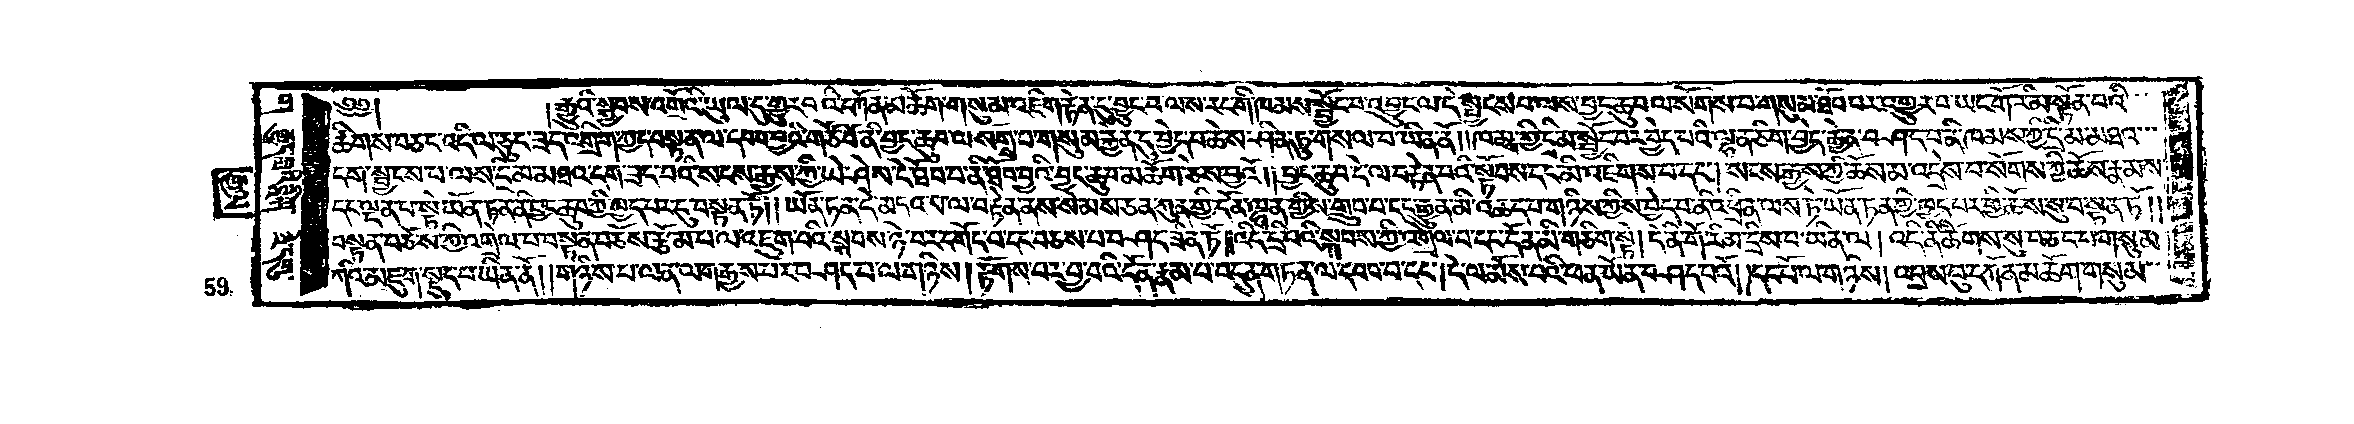༄༅། །རྒྱུའི་སྐྱབས་འགྲོའི་ཡུལ་དུ་གྱུར་པའི་དཀོན་མཆོག་གསུམ་འཇིག་རྟེན་དུ་བྱུང་བ་ལས་རང་གི་ཁམས་སྦྱོང་བ་འབྱུང་ལ་དེ་སྤྱོང་པ་ལས་བྱང་ཆུབ་ལ་སོགས་པ་གསུམ་ཐོབ་པར་འགྱུར་པར་ཡང་གོ་རིམ་སྟོན་པའི་
ཚིགས་བཅད་འདི་ལ་ཅུང་ཟད་འགྲིག་ཀྱང་བསྟན་ལ་དབབ་བྱའི་གཙོ་བོ་ནི་བྱང་ཆུབ་ལ་སོགས་པ་གསུམ་རྐྱེན་དུ་བྱེད་པ་ཆོས་ཤིན་ཏུ་གསལ་བ་ཡིན་ནོ། །ཁམས་ཀྱི་དྲི་མ་སྦྱོང་བར་བྱེད་པའི་ལྷན་ཅིག་བྱེད་རྒྱེན་བཤད་པ་ནི་ཁམས་ཀྱི་དྲི་མ་མཐའ་
དག་སྦྱངས་པ་ལས་དྲི་མ་མཐའ་དག་ཟད་པའི་སངས་རྒྱས་ཀྱི་ཡེ་ཤེས་དེ་ཐོབ་པ་ནི་ཐོབ་བྱའི་བྱང་ཆུབ་མཆོག་ཅེས་བྱའོ། །བྱང་ཆུབ་དེ་ལ་བརྟེན་པའི་སྟོབས་དང་མི་འཇིགས་པ་དང་། སངས་རྒྱས་ཀྱི་ཆོས་མ་འདྲེས་པ་སོགས་ཀྱི་ཆོས་རྣམས་
དང་ལྡན་པ་སྟེ་ཡོན་ཏན་ནི་བྱང་ཆུབ་ཀྱི་ཁྱད་པར་དུ་བསྟན་ཏོ། །ཡོན་ཏན་དེ་མངའ་བ་ལ་བརྟེན་ནས་སེམས་ཅན་ཀུན་གྱི་དོན་ལྷུན་གྱིས་གྲུབ་པ་དང་རྒྱུན་མི་འཆད་པ་གཉིས་ཀྱིས་བྱེད་པ་ནི་འཕྲིན་ལས་ཏེ་ཡོན་ཏན་གྱི་ཁྱད་པར་ཕྱི་ཆོས་སུ་བསྟན་ཏོ། །
བསྟན་བཅོས་ཀྱི་འགྲེལ་པ་བསྟན་བཅོས་རྩོམ་པ་ལ་འཇུག་པའི་སྐབས་ཉེ་བར་དགོད་པ་དང་བཅས་པ་བཤད་ཟིན་ཏོ། །འདི་དྲི་བའི་སྐབས་ཀྱི་འགྲེལ་པ་དང་དོན་མི་གཅིག་སྟེ། དེ་ནི་གོ་རིམ་དྲིས་པ་ཡིན་ལ། འདི་ནི་ཚིགས་སུ་བཅད་པ་གསུམ་
ཀའི་མཇུག་སྡུད་པ་ཡིན་ནོ། །གཉིས་པ་ལན་ལག་རྒྱས་པར་བཤད་པ་ལ་གཉིས། རྟོགས་པར་བྱ་བའི་དོན་རྣམ་པ་བདུན་གཏན་ལ་དབབ་པ་དང་། དེ་ལ་མོས་པའི་ཕན་ཡོན་བཤད་པའོ། །དང་པོ་ལ་གཉིས། འབྲས་བུ་དཀོན་མཆོག་གསུམ་